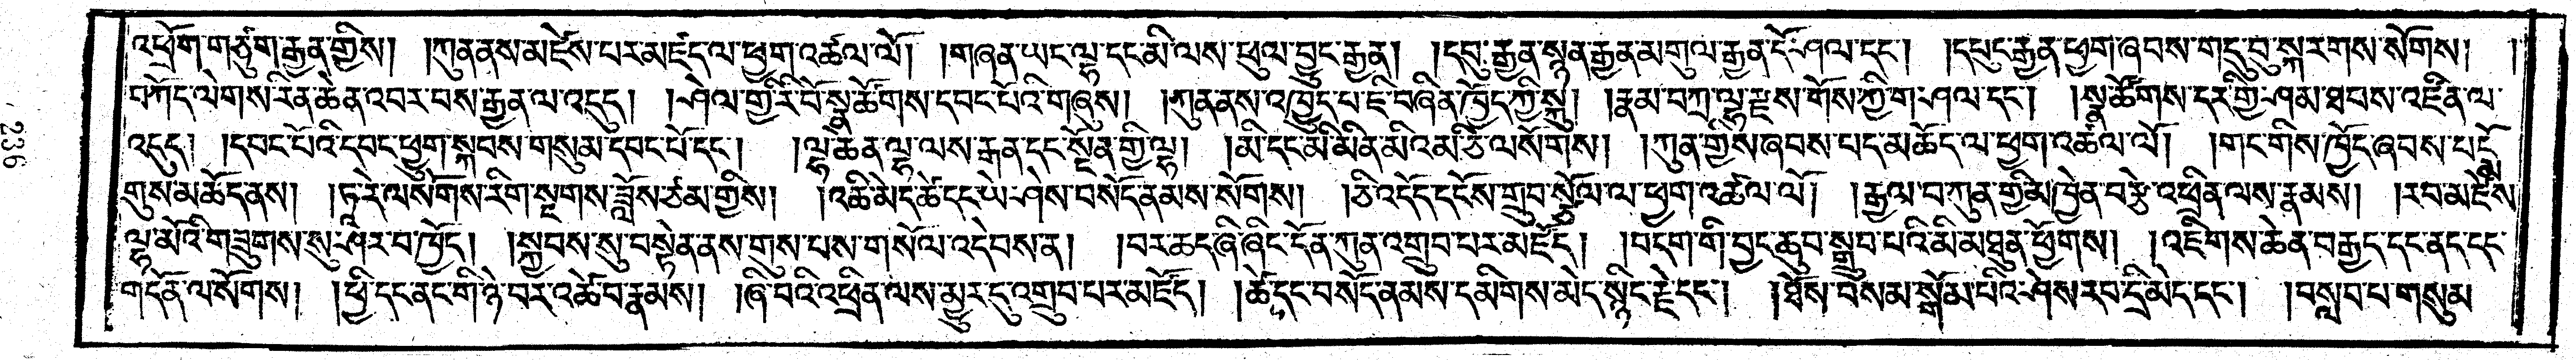འཕྲོག་གཙུག་རྒྱན་གྱིས། །ཀུན་ནས་མཛེས་པར་མཛད་ལ་ཕྱག་འཚལ་ལོ། །གཞན་ཡང་ལྷ་དང་མི་ལས་ཕུལ་བྱུང་རྒྱན། །དབུ་རྒྱན་སྙན་རྒྱན་མགུལ་རྒྱན་དོ་ཤལ་དང་། །དཔུང་རྒྱན་ཕྱག་ཞབས་གདུ་བུ་སྐ་རགས་སོགས། །
བཀོད་ལེགས་རིན་ཆེན་འབར་བས་རྒྱན་ལ་འདུད། །ཤེལ་གྱི་རི་བོ་སྣ་ཚོགས་དབང་པོའི་གཞུས། །ཀུན་ནས་འཁྱུད་པ་ཇི་བཞིན་ཁྱོད་ཀྱི་སྐུ། །རྣམ་བཀྲ་ལྷ་རྫས་གོས་ཀྱི་ག་ཤལ་དང་། །སྣ་ཚོགས་དར་གྱི་ཤམ་ཐབས་འཛིན་ལ་
འདུད། །དབང་པོའི་དབང་ཕྱུག་སྐབས་གསུམ་དབང་པོ་དང་། །ལྷ་ཆེན་ལྷ་ལས་རྒན་དང་སྔོན་གྱི་ལྷ། །མི་དང་མི་མིན་མིའམ་ཅི་ལ་སོགས། །ཀུན་གྱིས་ཞབས་པད་མཆོད་ལ་ཕྱག་འཚལ་ལོ། །གང་གིས་ཁྱོད་ཞབས་པདམོ་
གུས་མཆོད་ནས། །ཏཱ་རེ་ལ་སོགས་རིག་སྔགས་ཟློས་ཙམ་གྱིས། །འཆི་མེད་ཚེ་དང་ཡེ་ཤེས་བསོད་ནམས་སོགས། །ཅི་འདོད་དངོས་གྲུབ་སྩོལ་ལ་ཕྱག་འཚལ་ལོ། །རྒྱལ་བ་ཀུན་གྱི་མཁྱེན་བརྩེ་འཕྲིན་ལས་རྣམས། །རབ་མཛེས་
ལྷ་མོའི་གཟུགས་སུ་ཤར་བ་ཁྱོད། །སྐྱབས་སུ་བསྟེན་ནས་གུས་པས་གསོལ་འདེབས་ན། །བར་ཆད་ཞི་ཞིང་དོན་ཀུན་འགྲུབ་པར་མཛོད། །བདག་གི་བྱང་ཆུབ་སྒྲུབ་པའི་མི་མཐུན་ཕྱོགས། །འཇིགས་ཆེན་བརྒྱད་དང་ནད་དང་
གདོན་ལ་སོགས། །ཕྱི་དང་ནང་གི་ཉེ་བར་འཚེ་བ་རྣམས། །ཞི་བའི་འཕྲིན་ལས་མྱུར་དུ་འགྲུབ་པར་མཛོད། །ཚེ་དང་བསོད་ནམས་དམིགས་མེད་སྙིང་རྗེ་དང་། །ཐོས་བསམ་སྒོམ་པའི་ཤེས་རབ་དྲི་མེད་དང་། །བསླབ་པ་གསུམ་